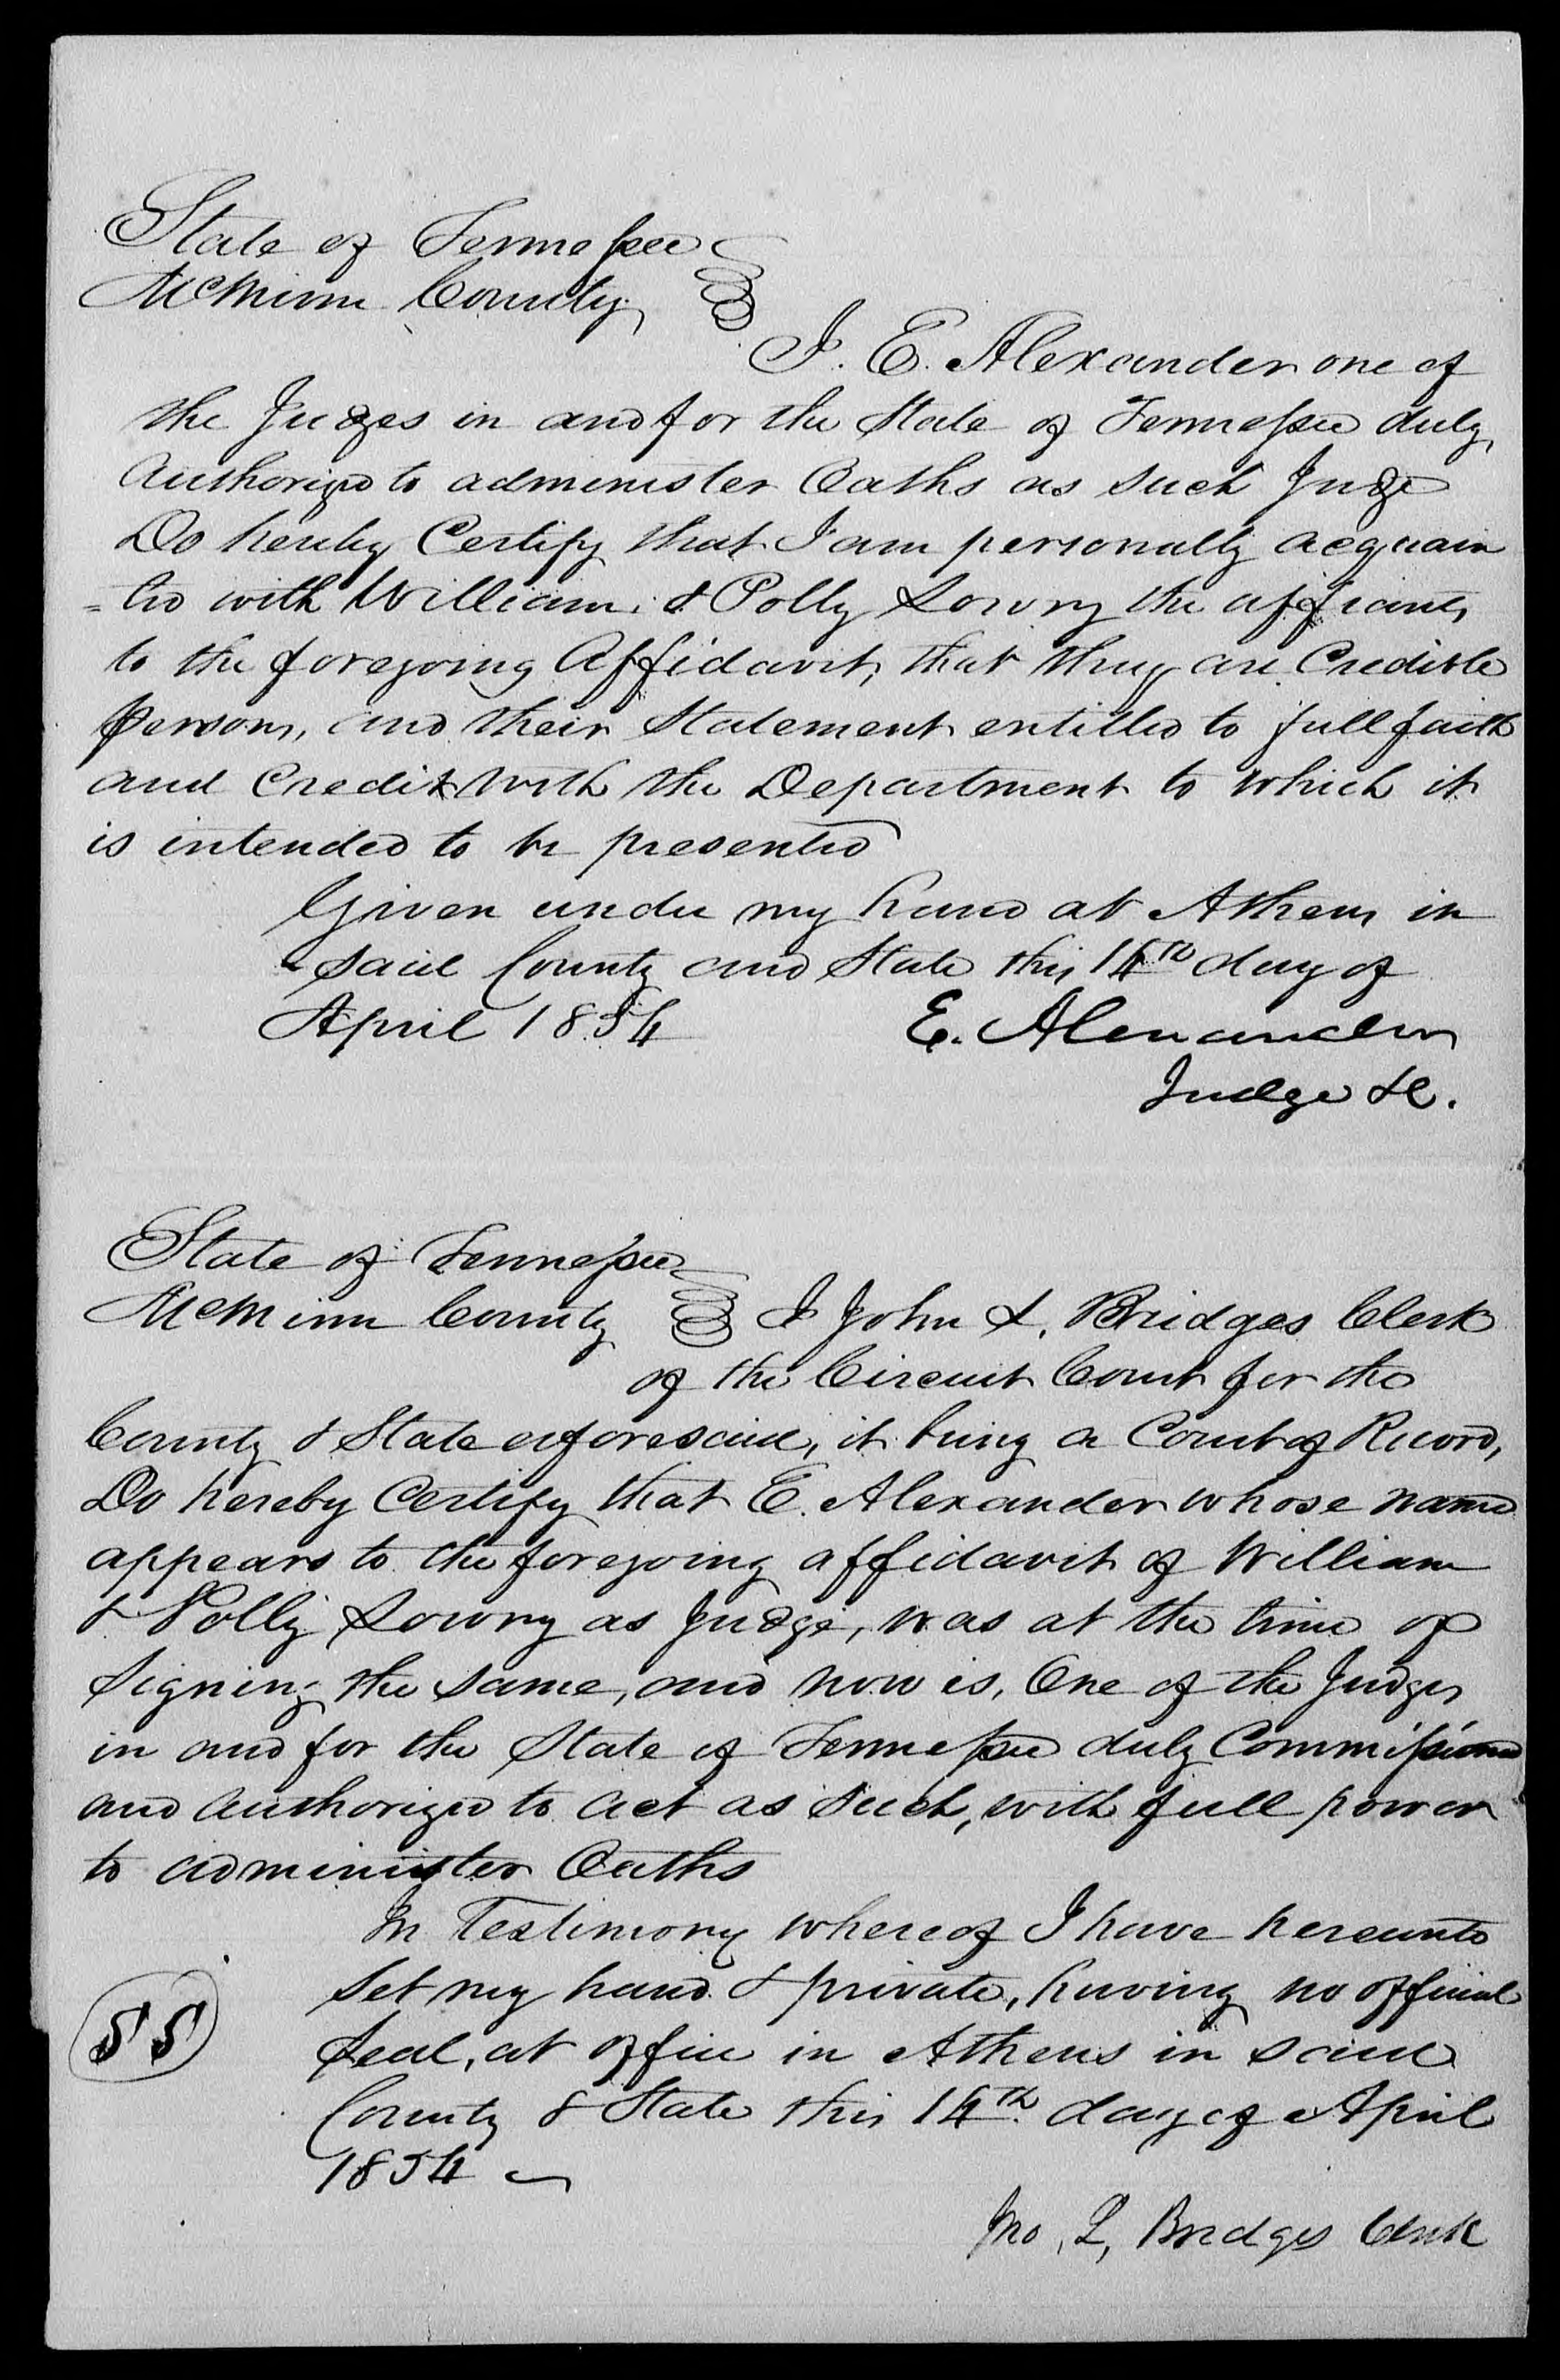State of Tennessee }
McMinn County     }
J. E. Alexander one of the Judges in and for the State of Tennessee duly Authorized to administer Oaths as such Judge Do hereby Certify that I am personally acquainted with William & Polly Lowry the affiants to the foregoing Affidavit, that they are Credible persons, and their Statement entitled to full faith and credit with the Department to which it is intended to be presented.
Given under my hand at Athens in said County and State this 14th day of April 1854

E. Alexander
Judge &c.

State of Tennessee }
McMinn County     }
I John L. Bridges Clerk of the Circuit Court for the County & State aforesaid, it being a Court of Record, Do hereby Certify that E. Alexander whose name appears to the foregoing affidavit of William & Polly Lawry as Judge, was at the time of Signing the same, and now is, One of the Judges in and for the State of Tennessee duly Commissioned and authorized to act as such, with full power to administer Oaths
(SS)  In testimony whereof I have hereunto set my hand & private, having no official Seal, at office in Athens in said County & State this 14th day of April 1854.
Jno. L. Bridges  Clerk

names: E Alexander, J E Alexander, John L Bridges, E Alexander, Polly Lowry, William Lowry, Polly Lowry, Jno L Bridges, William Lowry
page: 135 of 160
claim: rejected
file: R. 4666, James Harris, Va.